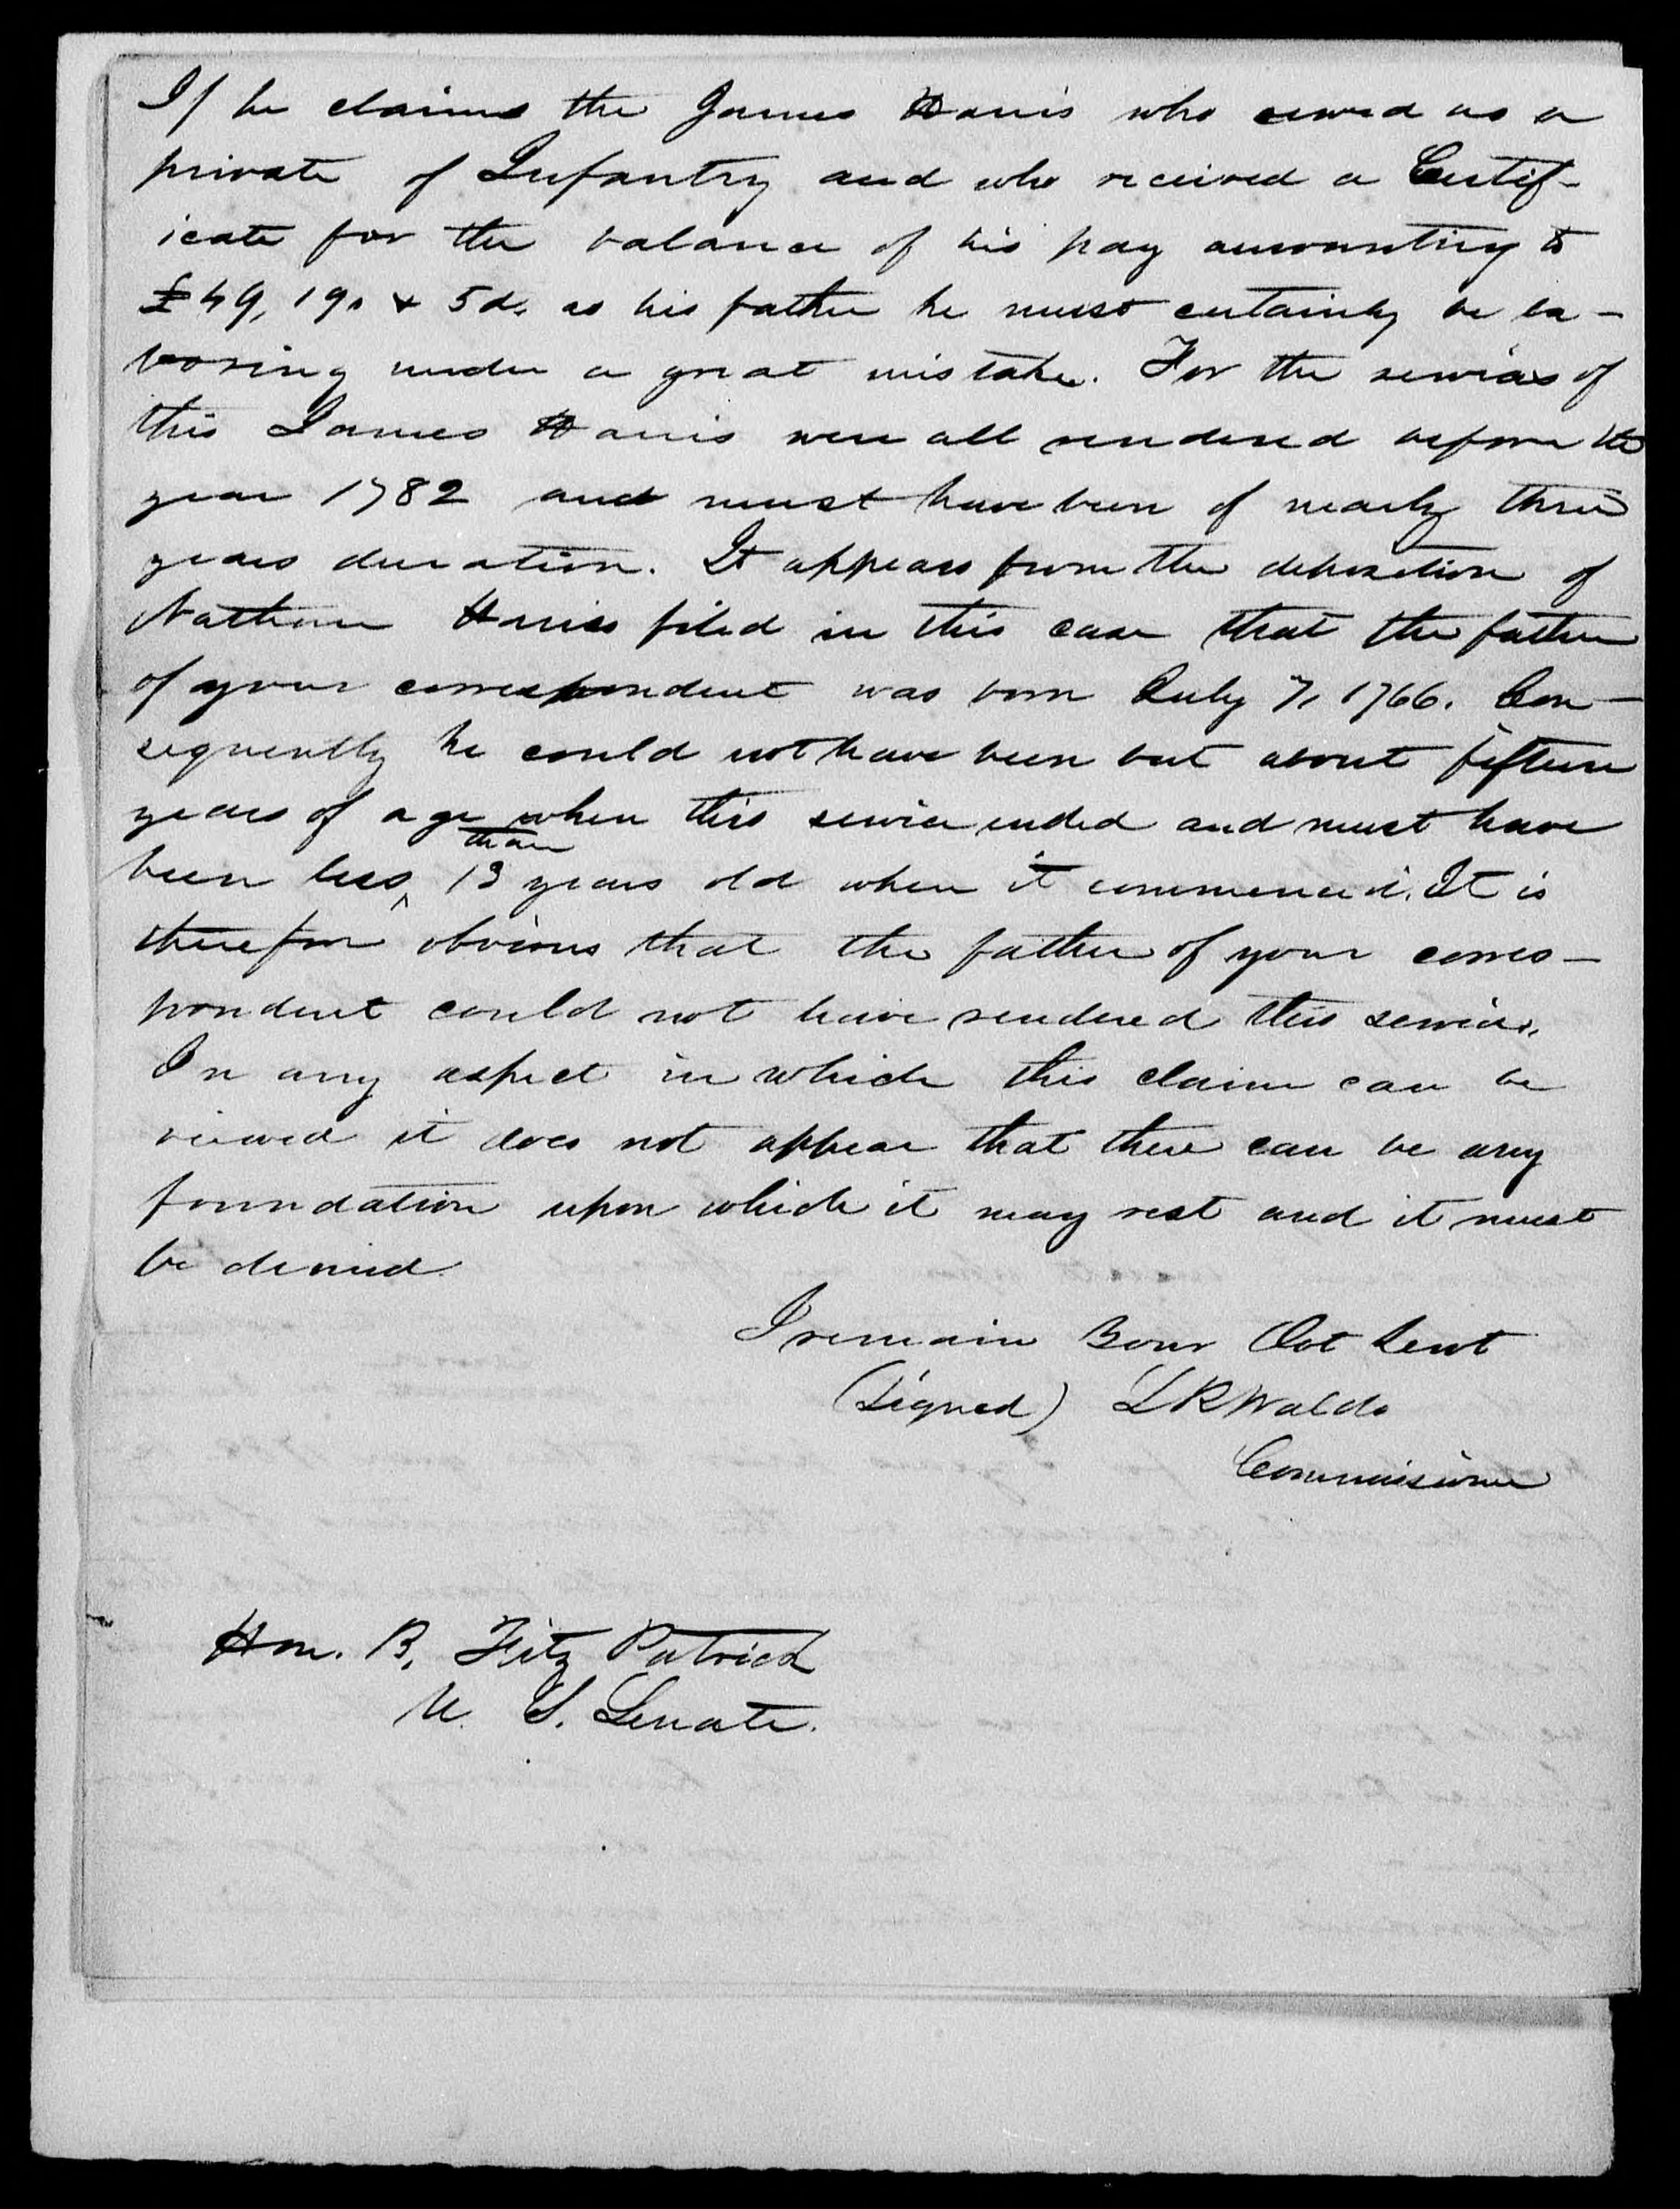If he claims the James Harris who served was a private of Infantry and who received a Certificate for the balance of his pay amounting to [pound sterling]49.19s & 5d as his father he must certainly be laboring under a great mistake.  For the services of this James Harris were all rendered before the year 1782 and must have been of nearly three years duration.  It appears from the deposition of Nathan Harris filed in this case that the father of your correspondent was born July 7, 1766.  Consequently he could not have been but about fifteen years of age when this service ended and must have been less than 13 years old when it commenced.  It is therefor obvious that the father of your correspondent could not have rendered this service.  In any aspect in which this claim can be viewed it does not appear that there can be any foundation upon which it may rest and it must be denied.
I remain Your Obt Servt
(signed) L R. Waldo
Commissioner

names: James Harris, L P Waldo, B Fitzpatrick, James Harris, Nathan Harris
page: 90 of 160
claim: rejected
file: R. 4666, James Harris, Va.